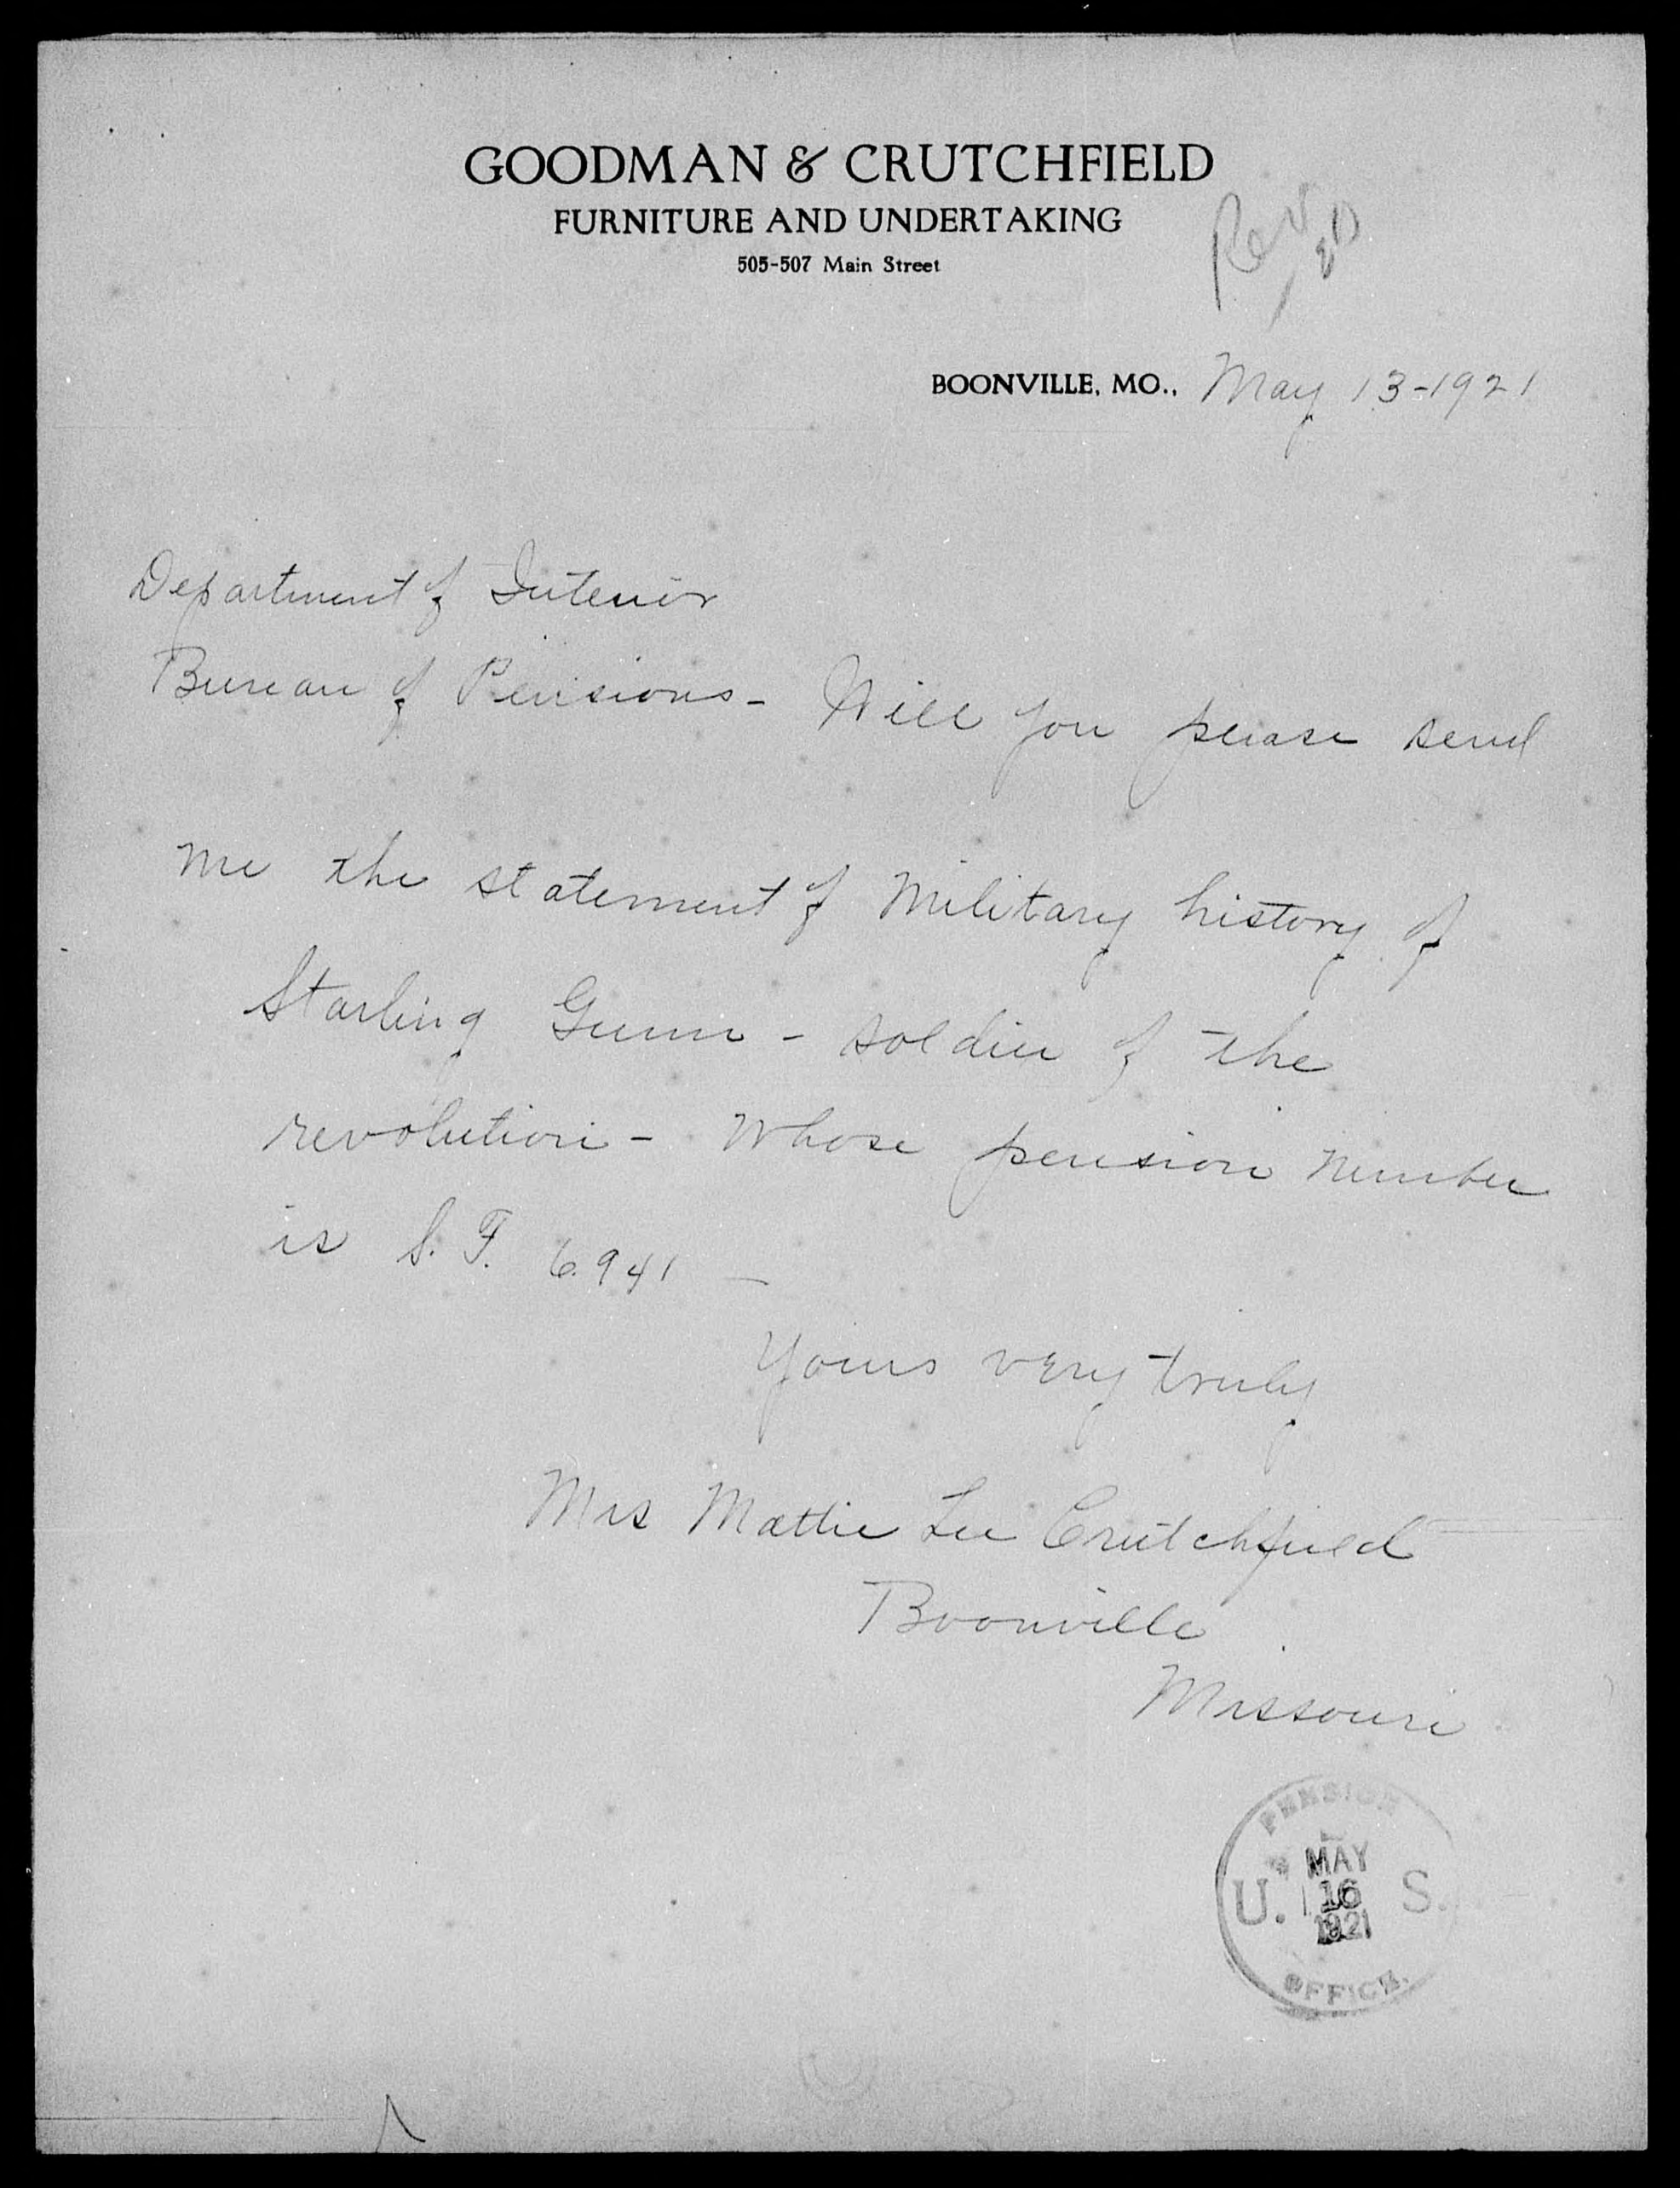Rev  —EO

GOODMAN & CRUTCHFIELD
FURNITURE AND UNDERTAKING
505–507 Main Street
BOONVILLE, MO., May 13-1921

Department of Interior
Bureau of Pensions.
Will you please send me the statement of military history of Starling Gunn — soldier of the revolution — whose pension number is S: G. 6941 —
Yours very truly
Mrs Mattie Lee Crutchfield
Boonville Missouri

[Stamp:]
U.S. PENSION OFFICE
[illegible: B?]
MAY 16  1921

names: Mattie Lee Crutchfield, Starling Gunn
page: 48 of 58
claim: survivor's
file: S. 6,941, Starling Gunn, Continental Va.